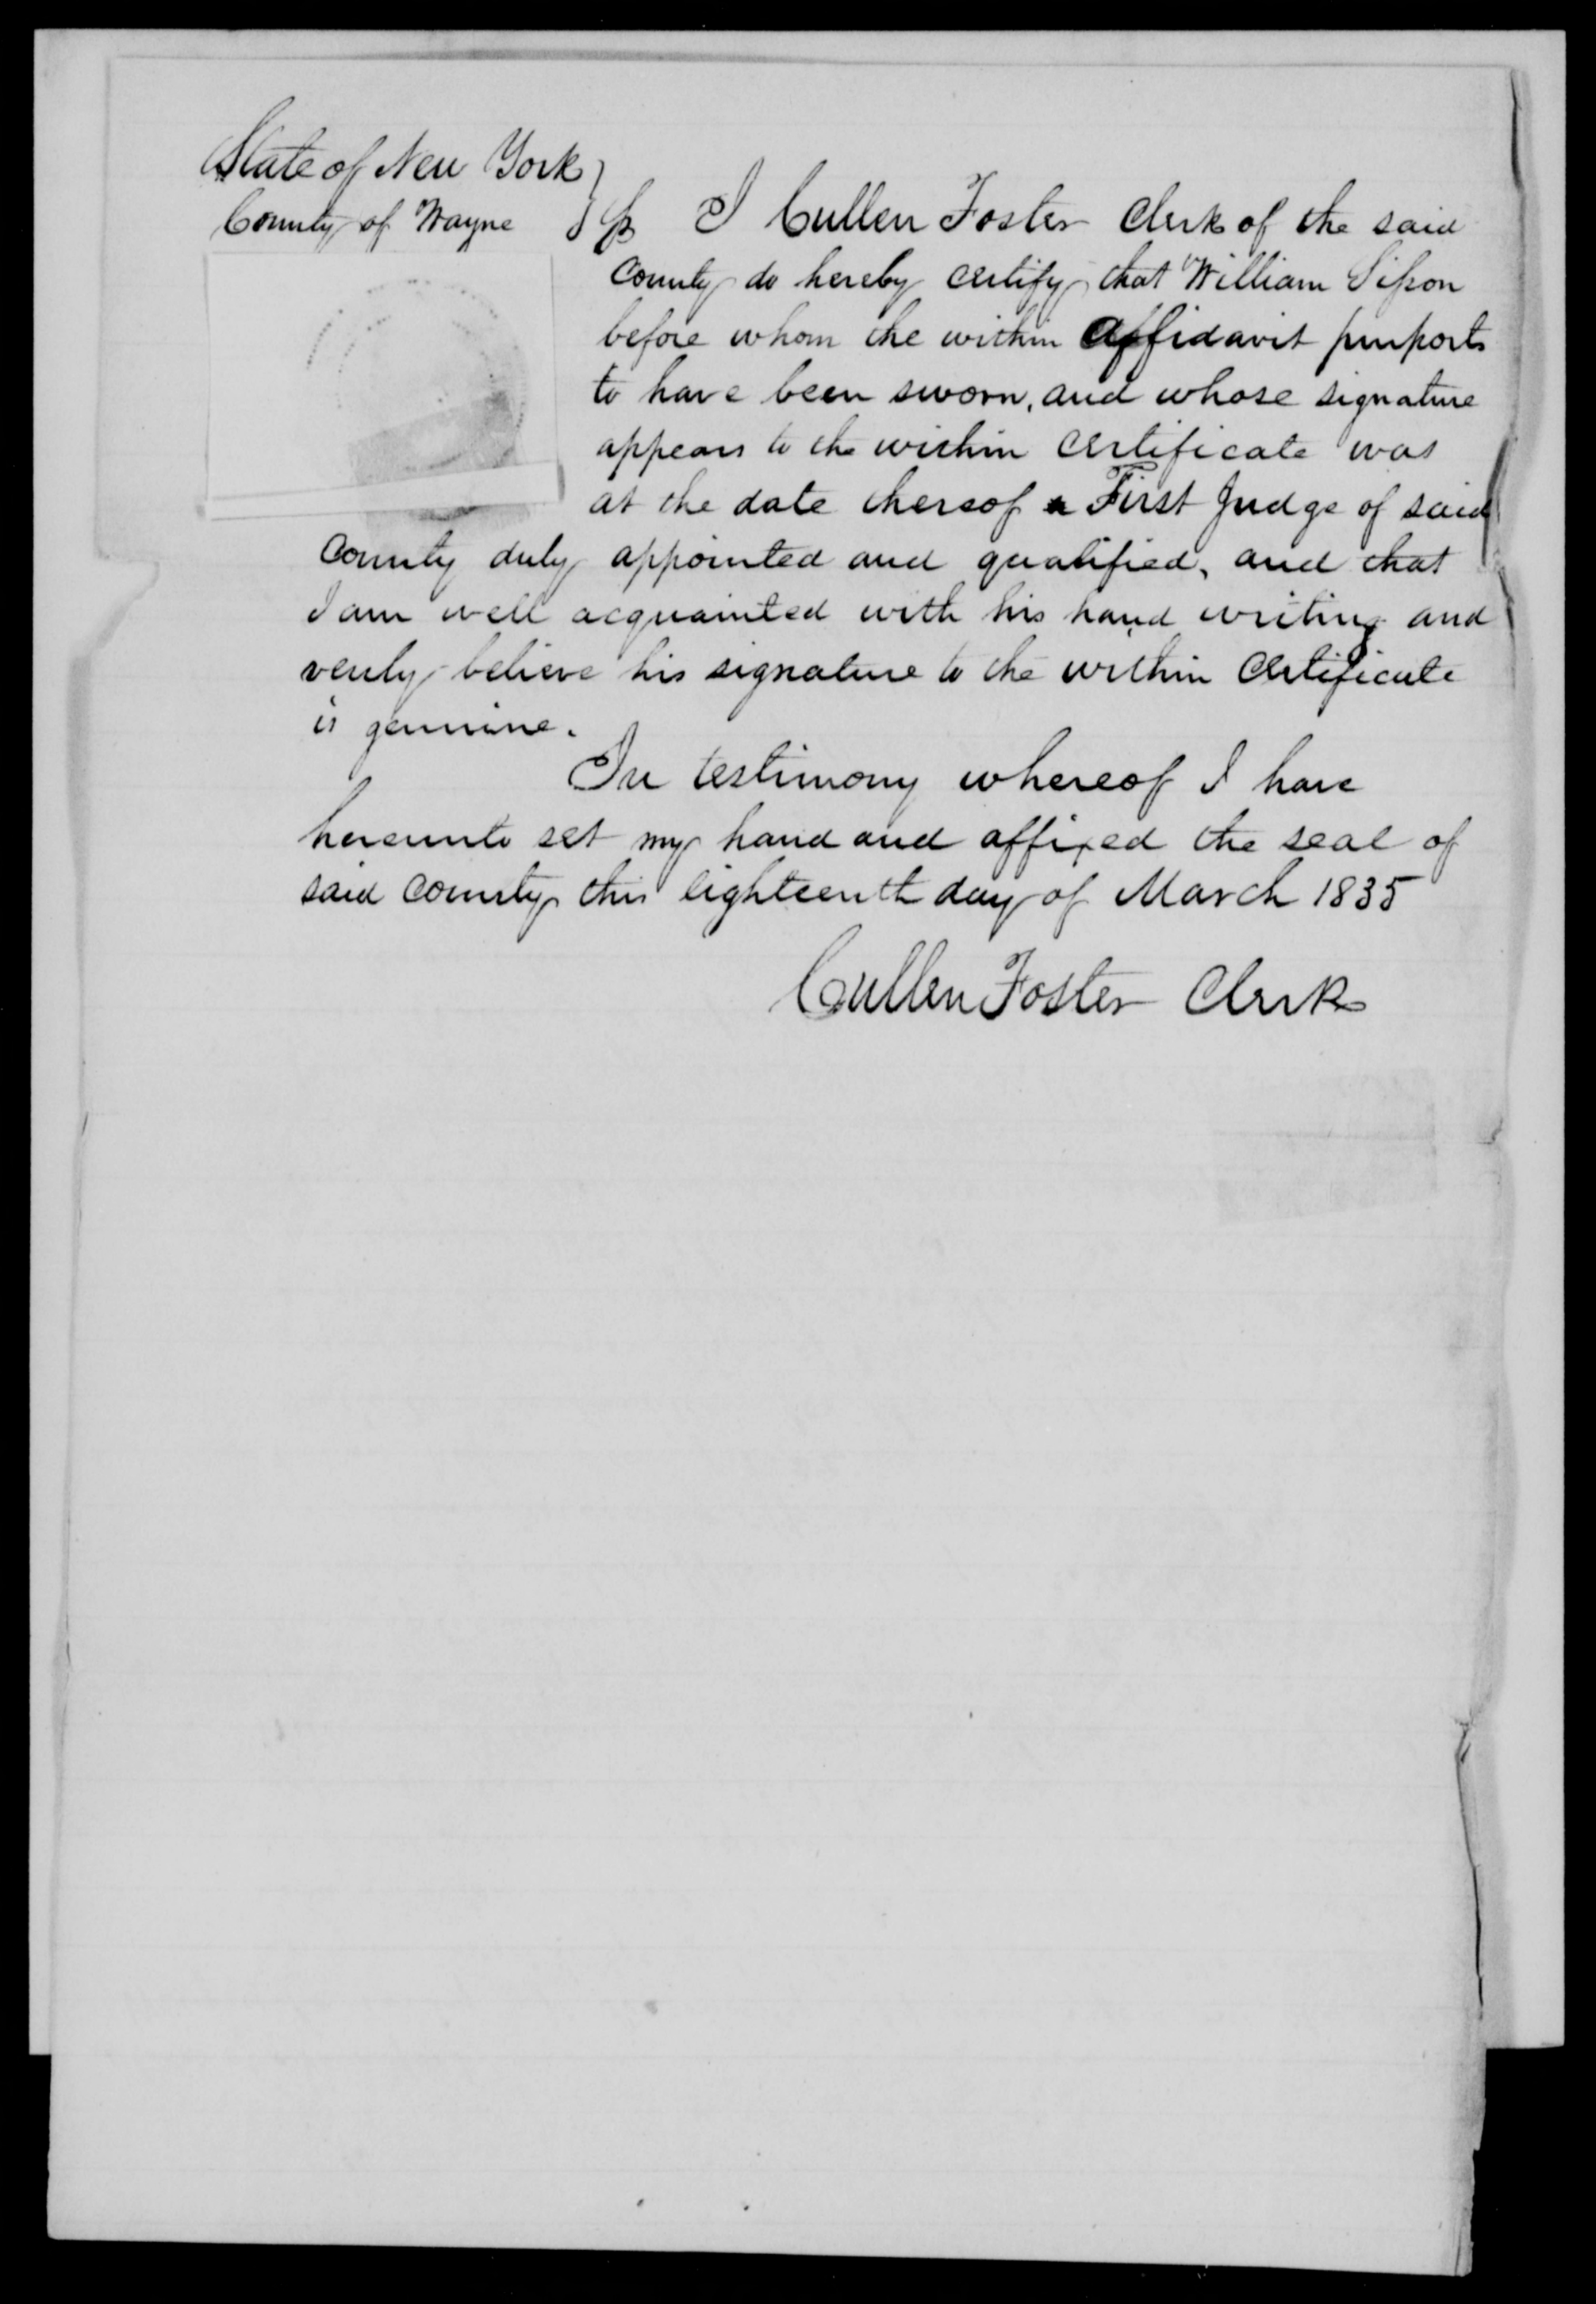State of New York
County of Wayne, ss
I Cullen Foster Clerk of the said county so hereby certify that William Sussib before whom the within affidavit purports to have been sworn, and whose signature appears to the within certificate was at the date hereof a First Judge of said county duly appointed and qualified, and that I am well acquainted with his hand writing and verily believe his signature to the within certificate is  genuine.

In testimony whereof I have hereunto set my hand and affixed the seal of said county this eighteenth day of March 1835 (signature) Cullen Foster Clerk

[Seal appears upper left corner]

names: William Sisson, Cullen Foster, Cullen Foster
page: 53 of 66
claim: widow's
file: W. 19588, William Walling, New Jersey